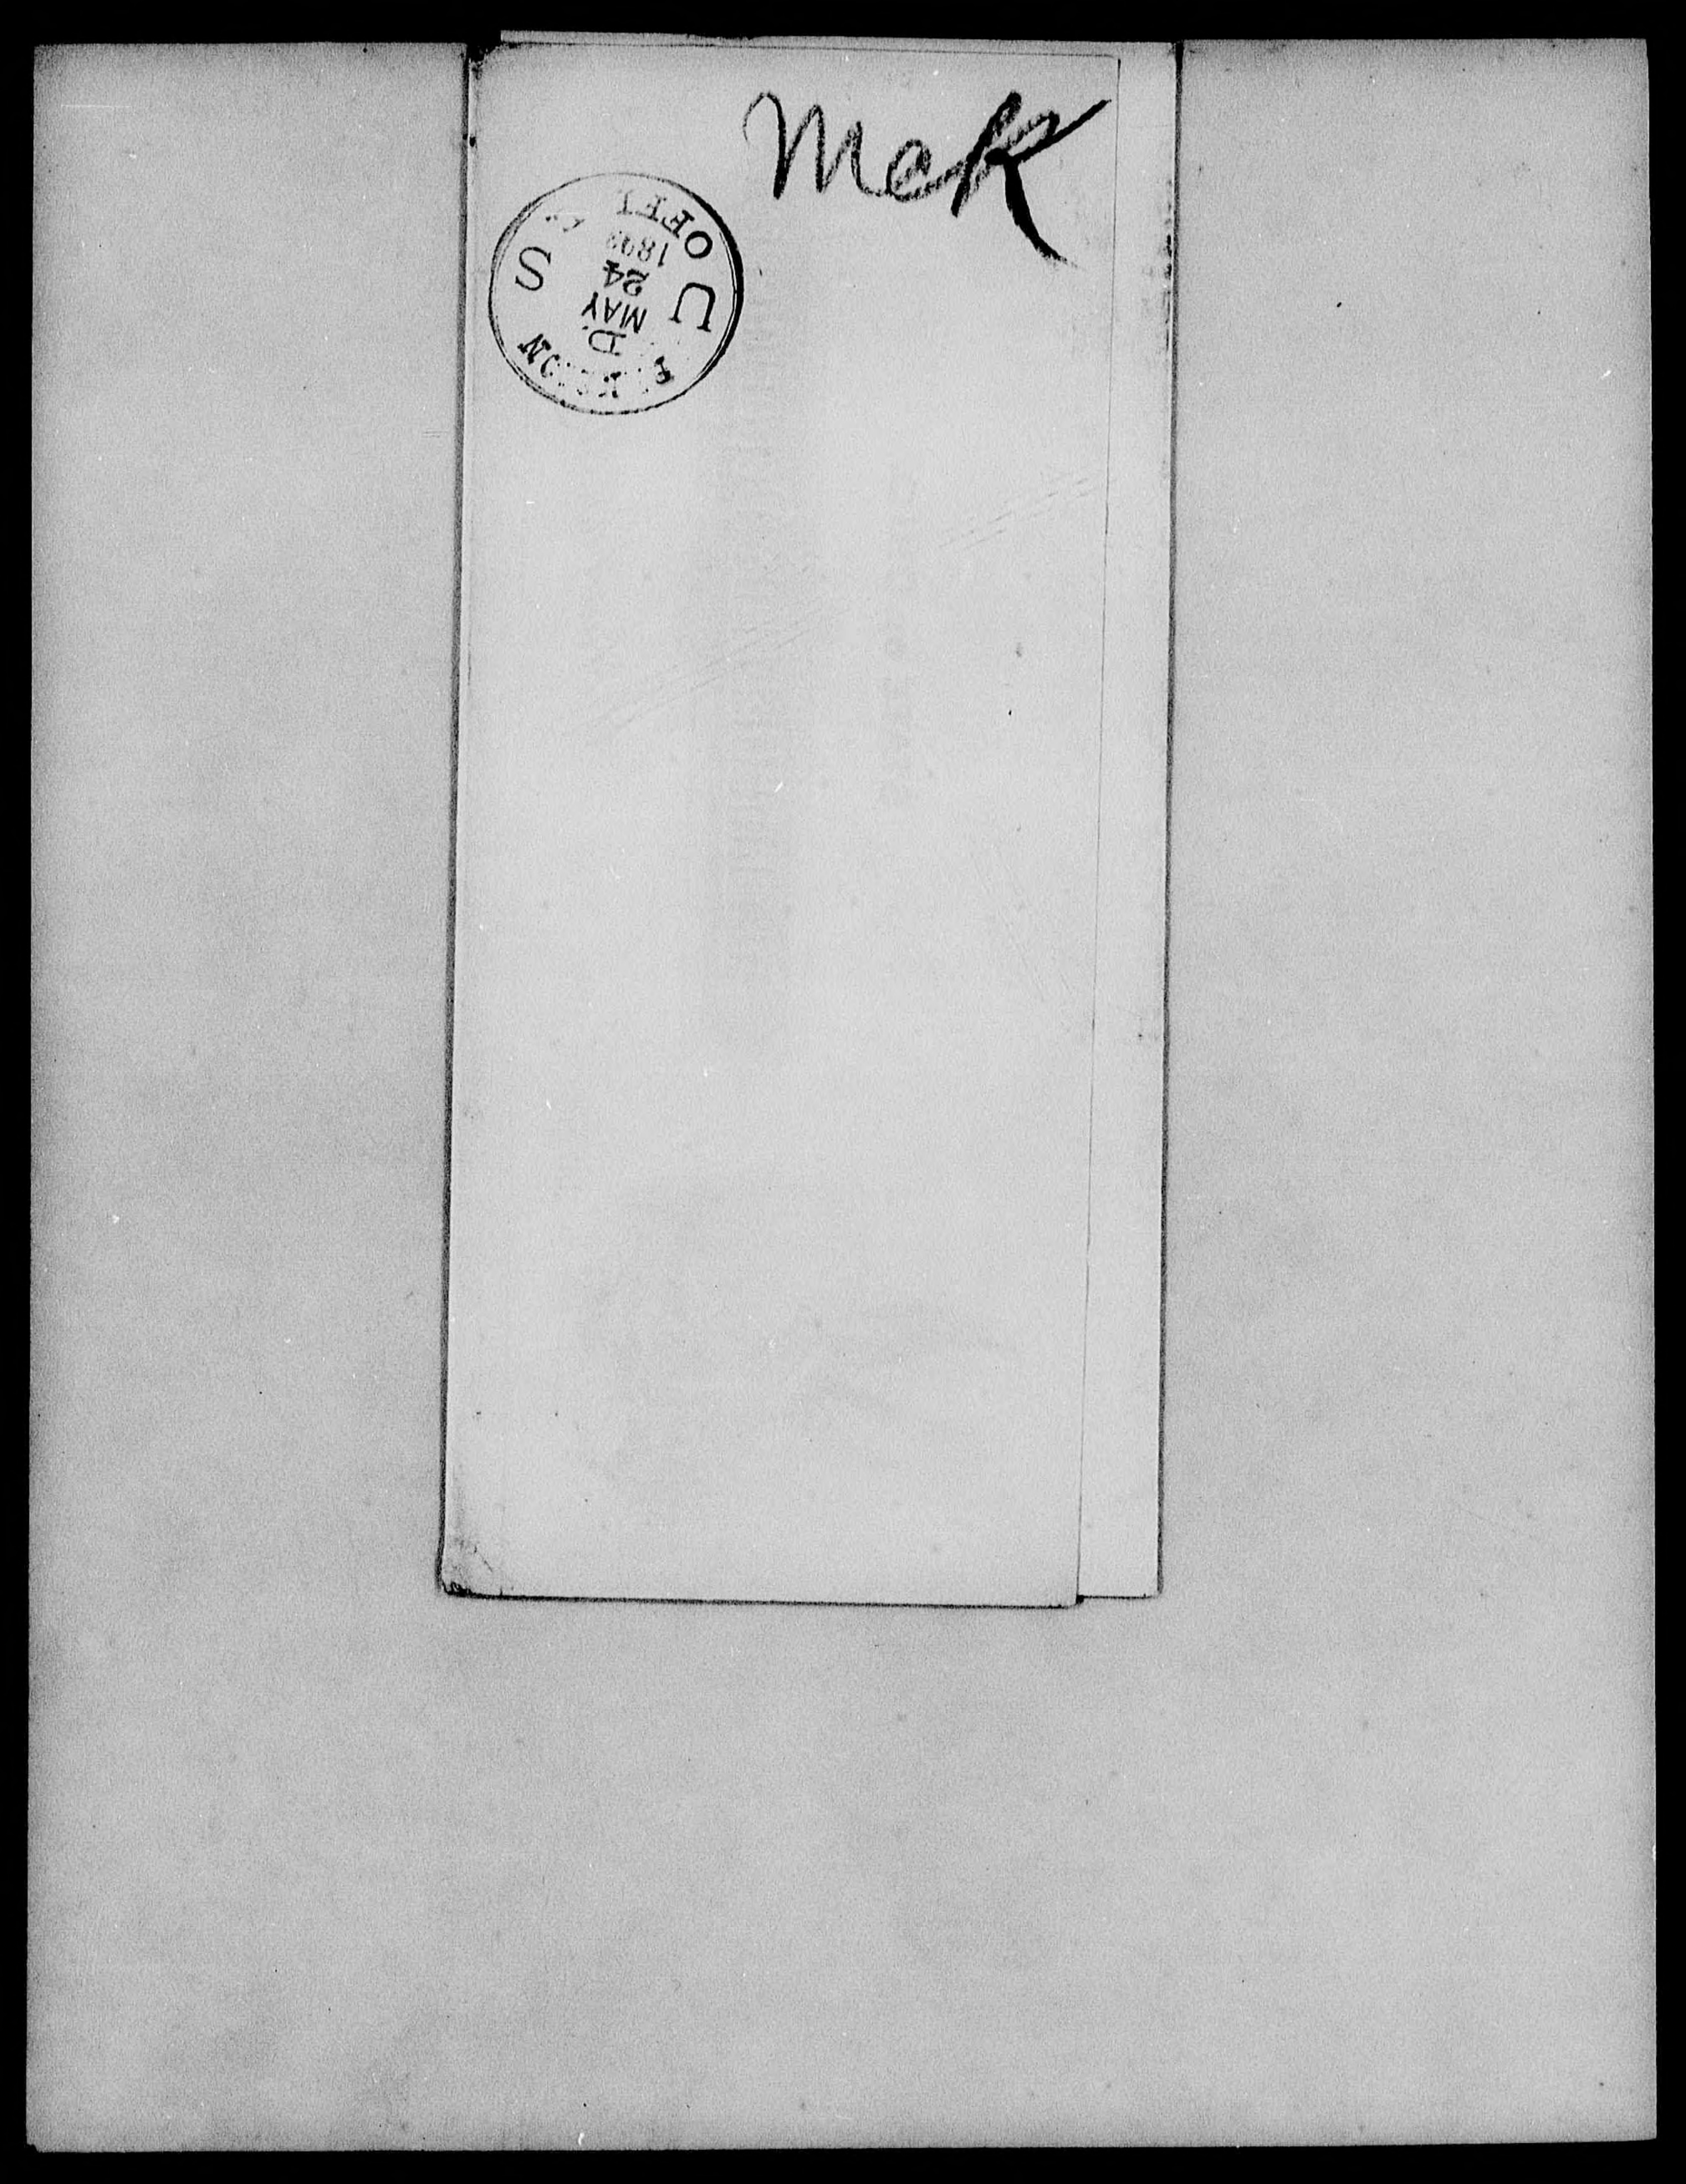[pencil] McK

[stamp]
US PENSION OFFICE
D.
May 24 18[??]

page: 29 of 39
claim: survivor's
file: S. 2812, for David Mc Kinley, Pennsylvania